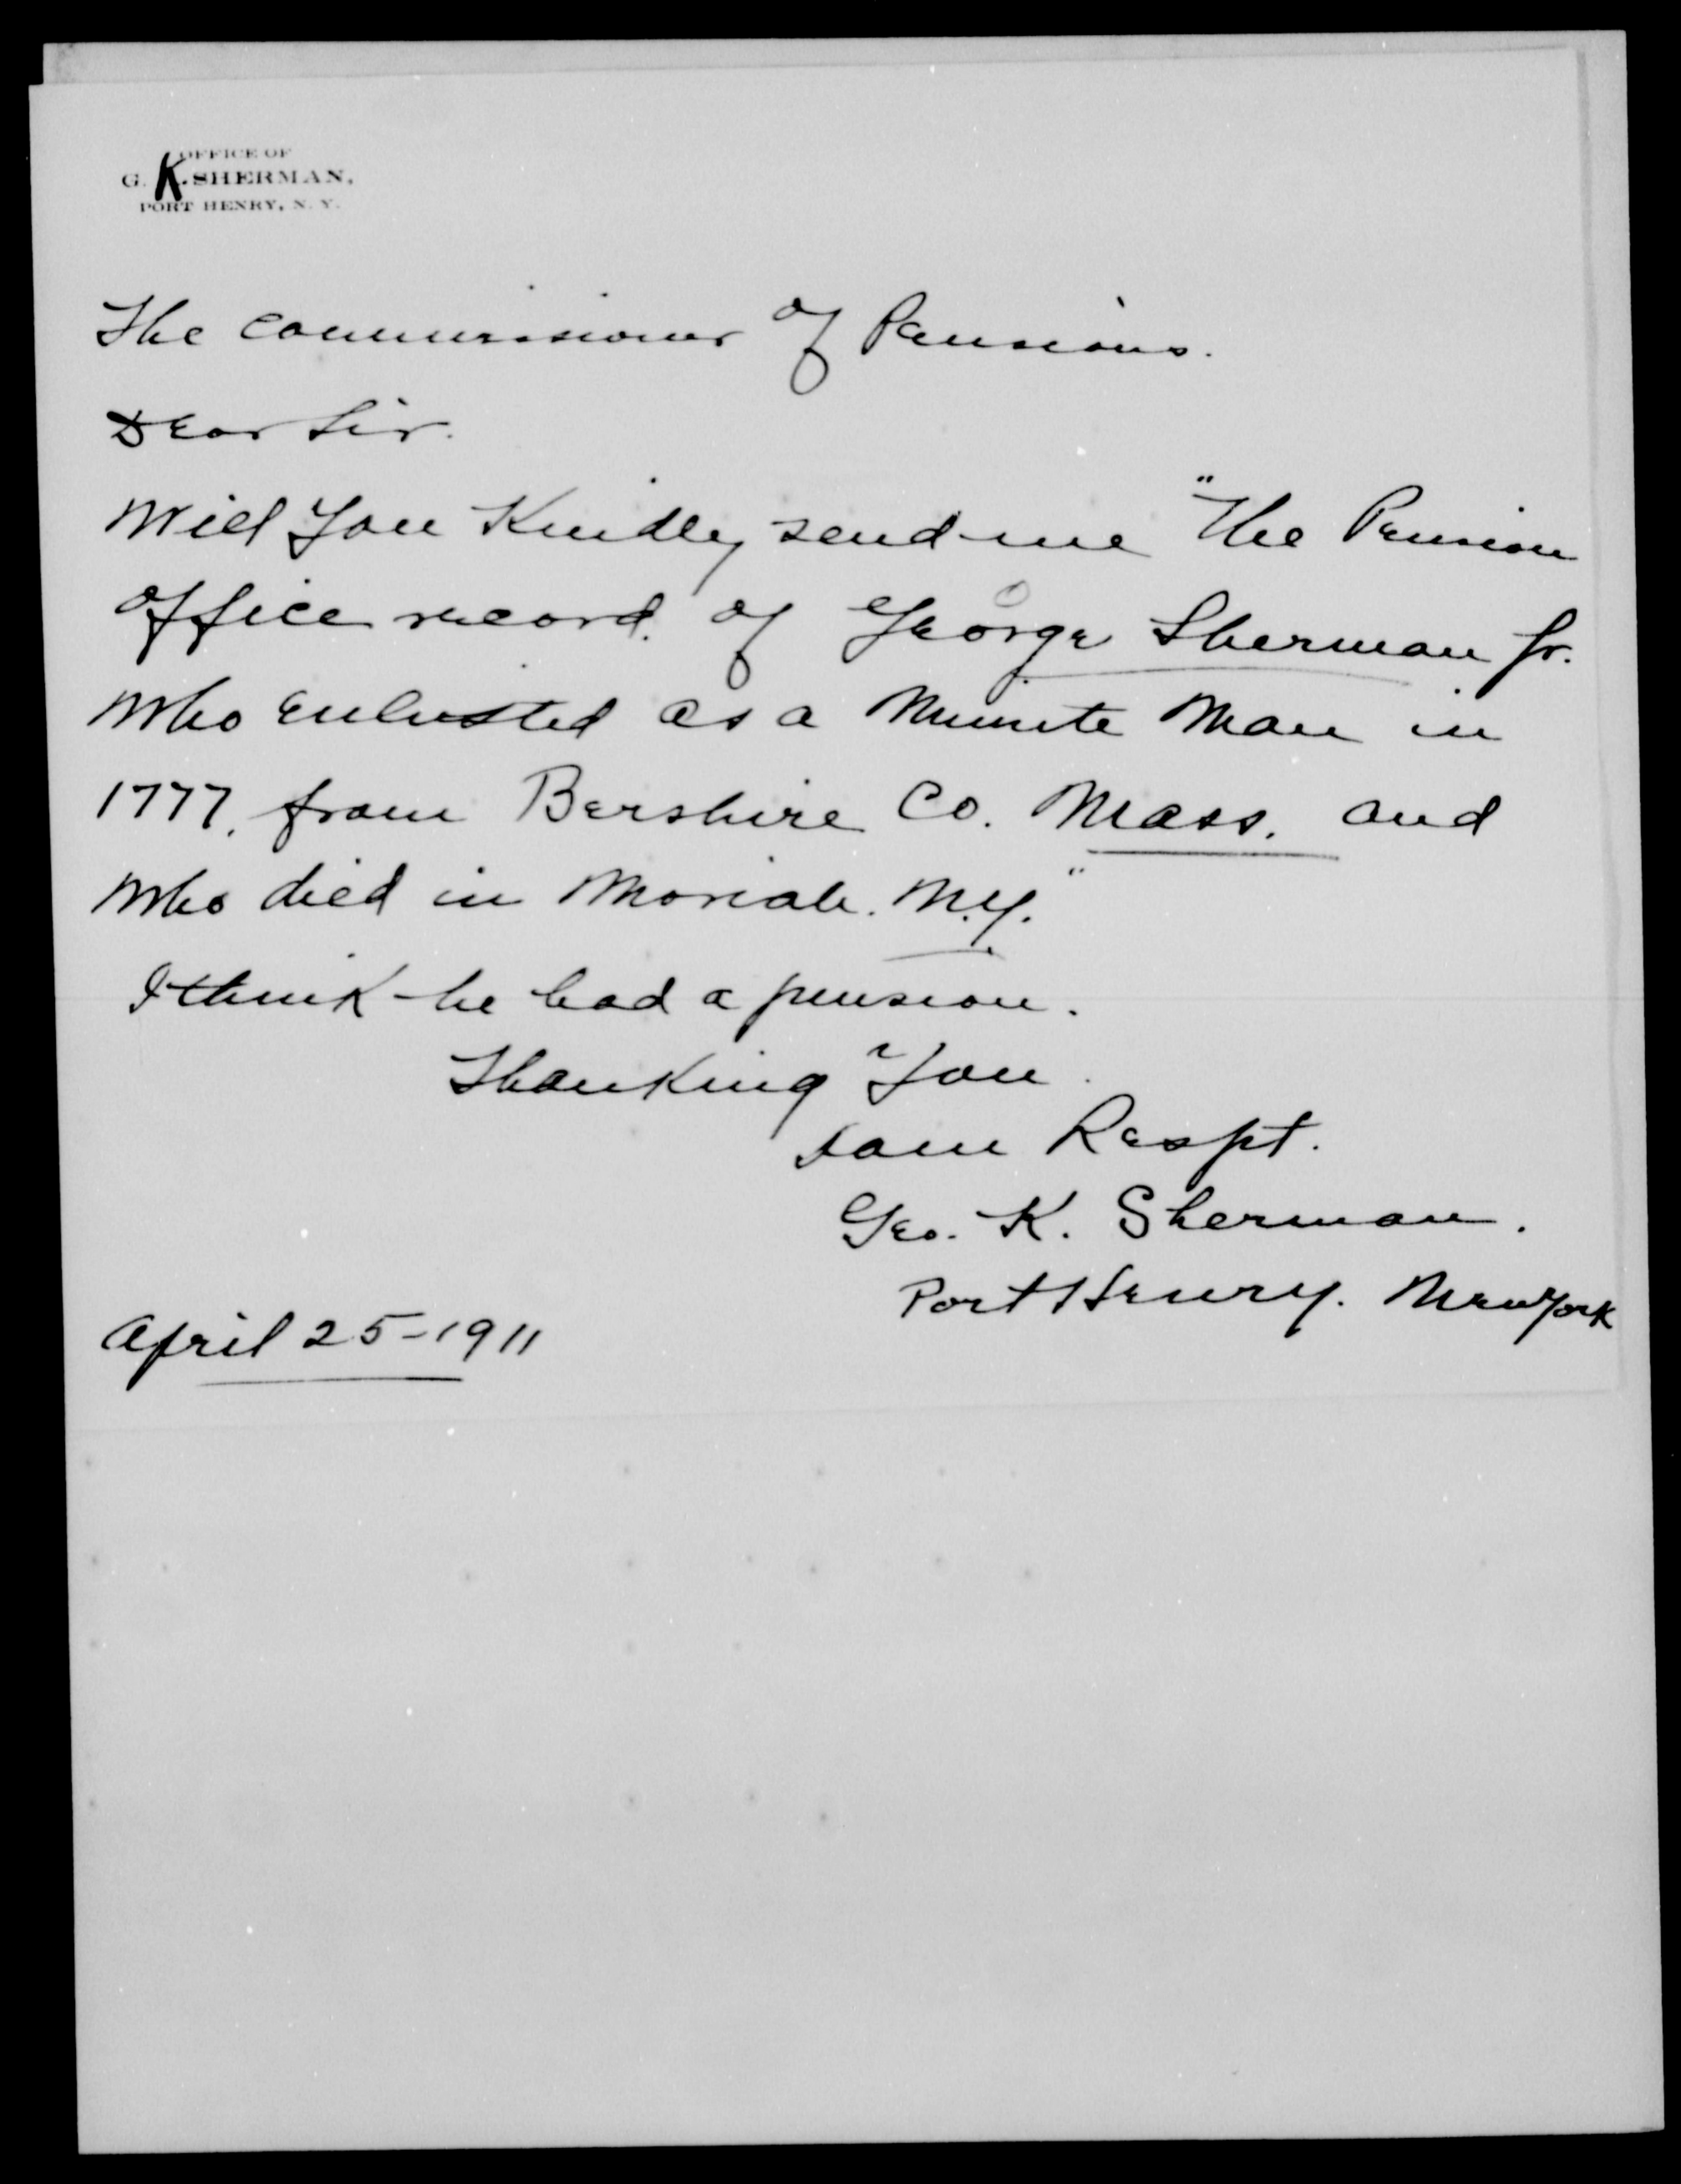OFFICE OF
G. A. SHERMAN.
PORT HENRY, N.Y.
The Commisioner of Pension
Dear Sir
Will you kindly send me the Pension
office record of George Sherman
who enlisted as a minute man in
1777, from Berkshire Co. Mass. and
who died in Moriah, N.Y.
I think he had a pension
Thanking you
same Respt
Geo. K. Sherman.
Port Henry Newk
April 25-1911
-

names: G K Sherman; George Sherman; Geo K Sherman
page: 43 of 52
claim: rejected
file: R. 9493, for George Sherman, Vermont